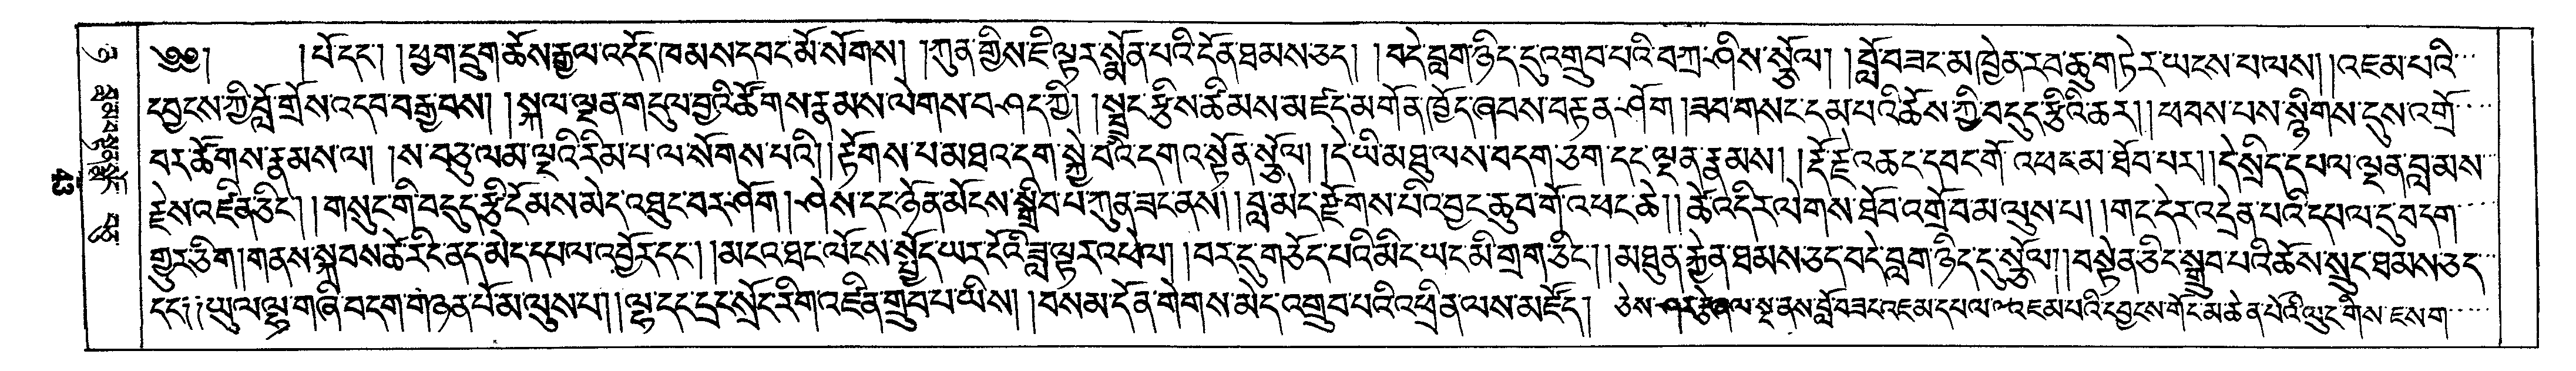༄༅། །པོ་དང་། །ཕྱག་དྲུག་ཆོས་རྒྱལ་འདོད་ཁམས་དབང་མོ་སོགས། །ཀུན་གྱིས་ཇི་ལྟར་སྨོན་པའི་དོན་ཐམས་ཅད། །བདེ་བླག་གཉིད་དུ་འགྲུབ་པའི་བཀྲ་ཤིས་སྩོལ། །བློ་བཟང་མཁྱེན་རབ་ཆུ་གཏེར་ཡངས་པ་ལས། །འཇམ་པའི་
དབྱངས་ཀྱི་བློ་གྲོས་འདབ་བརྒྱ་བས། །སྐལ་ལྡན་གདུལ་བྱའི་ཚོགས་རྣམས་ལེགས་བཤད་ཀྱི། །སྦྲང་རྩིས་ཚིམས་མཛད་མགོན་ཁྱོད་ཞབས་བརྟན་ཤོག །ཟབ་གསང་དམ་པའི་ཆོས་ཀྱི་བདུད་རྩིའི་ཆར། །ཕབས་པས་སྙིགས་དུས་འགྲོ་
བའི་ཚོགས་རྣམས་ལ། །ས་བཅུ་ལམ་ལྔའི་རིམ་པ་ལ་སོགས་པའི། །རྟོགས་པ་མཐའ་དག་སྐྱེ་བའི་དགའ་སྟོན་སྩོལ། །དེ་ཡི་མཐུ་ལས་བདག་ཅག་དད་ལྡན་རྣམས། །རྡོ་རྗེ་འཆང་དབང་གོ་འཕང་མ་ཐོབ་བར། །དེ་སྲིད་དཔལ་ལྡན་བླ་མས་
རྗེས་འཛིན་ཅིང་། །གསུང་གི་བདུད་རྩི་དོམས་མེད་འཐུང་བར་ཤོག། ཤེས་དང་ཉོན་མོངས་སྒྲིབ་པ་ཀུན་ཟང་ནས། །བླ་མེད་རྫོགས་པའི་བྱང་ཆུབ་གོ་འཕང་ཆེ། །ཚེ་འདིར་ལེགས་ཐོབ་འགྲོ་བ་མ་ལུས་པ། །གང་དེར་འདྲེན་པའི་དཔལ་དུ་བདག་
གྱུར་ཅིག །གནས་སྐབས་ཚེ་རིང་ནད་མེད་དཔལ་འབྱོར་དང་། །མངའ་ཐང་ལོངས་སྤྱོད་ཡར་དོའི་ཟླ་ལྟར་འཕེལ། །བར་དུ་གཅོད་བའི་མིང་ཡང་མི་གྲག་ཅིང་། །མཐུན་རྐྱེན་ཐམས་ཅད་བདེ་བླག་ཉིད་དུ་སྩོལ། །བསྟེན་ཅིང་སྒྲུབ་པའི་ཆོས་སྲུང་ཐམས་ཅད་
དང༑ ༑ཡུལ་ལྷ་གཞི་བདག་གཉན་པོ་མ་ལུས་པ། །ལྷ་དང་དྲང་སྲོང་རིག་འཛིན་གྲུབ་པ་ཡིས། །བསམ་དོན་གེགས་མེད་འགྲུབ་པའི་འཕྲིན་ལས་མཛོད། ཅེས་ཤར་རྩེ་ཞལ་སྔ་ནས་བློ་བཟང་འཇམ་དཔལ ༧འཇམ་པའི་དབྱངས་གོང་མ་ཆེན་པོའི་ལུང་གིས་ཇ་སག་